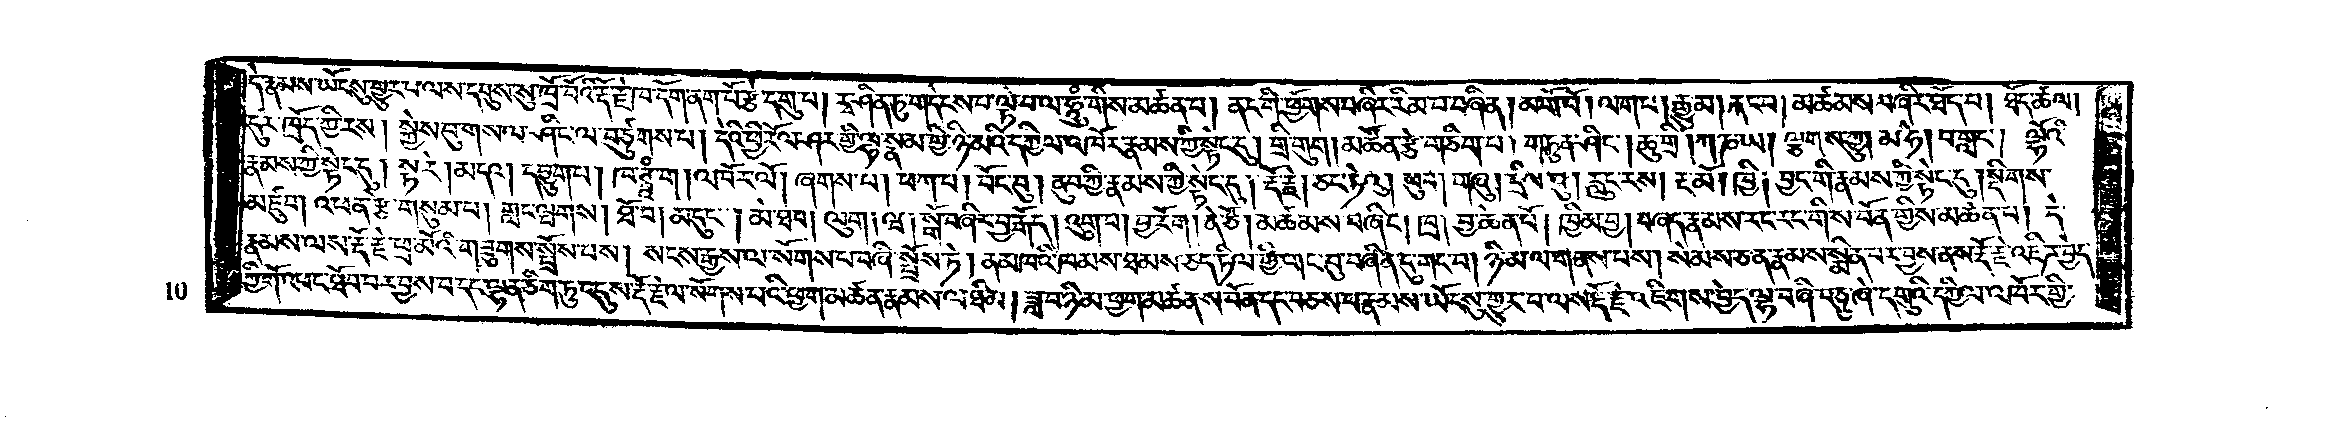དེ་རྣམས་ཡོངས་སུ་གྱུར་པ་ལས་དབུས་སུ་ཁྲོ་བོའི་རྡོ་རྗེ་ཁ་དོག་ནག་པོ་རྩེ་དགུ་པ། རྭ་ཤིན་ཏུ་གདེངས་པ་ལྟེ་བ་ལ་ཧཱུཾ་གིས་མཚན་པ། ནང་གི་ཕྱོགས་བཞིར་རིམ་པ་བཞིན། མགོ་བོ། ལག་པ། རྒྱུ་མ། རྐང་པ། མཚམས་བཞིར་ཐོད་པ། ཐོད་ཚལ།
དུར་ཁྲོད་ཀྱི་རས། སྐྱེས་བུ་གསལ་ཤིང་ལ་བཙུགས་པ། དེའི་ཕྱི་རོལ་ཤར་གྱི་ལྷ་སྣམ་གྱི་ཉི་མའི་དཀྱིལ་འཁོར་རྣམས་ཀྱི་སྟེང་དུ། གྲི་གུག །མཚོན་རྩེ་གཅིག་པ། གཏུན་ཤིང་། ཆུ་གྲི། ཀ་ཎ་ཡ། ལྕགས་ཀྱུ། མ་ཧེ། བ་གླང་། ལྷོའི་
རྣམས་ཀྱི་སྟེང་དུ། སྟ་རེ། མདའ། དབྱུག་པ། ཁ་ཊྭཱཾ་ག །འཁོར་ལོ། ཞགས་པ། ཕག་པ། བོང་བུ། ནུབ་ཀྱི་རྣམས་ཀྱི་སྟེང་དུ། རྡོ་རྗེ། ཅང་ཏེའུ། ཕུབ། གཞུ། དྲིལ་བུ། རླུང་རས། རྔ་མོ། ཁྱི། བྱང་གི་རྣམས་ཀྱི་སྟེང་དུ། སྡིགས་
མཛུག། འཕན་རྩེ་གསུམ་པ། གླང་ལྤགས། ཐོ་བ། མདུང་། མེ་ཐབ། ལུག །ཝ། སྒོ་བཞིར་བྱ་རྒོད། འུག་པ། བྱ་རོག །ནེ་ཙོ། མཚམས་བཞིང་། ཁྲ། བྱ་ཆེན་པོ། ཁྱིམ་བྱ། བཞད་རྣམས་རང་རང་གི་ས་བོན་གྱིས་མཚན་པ། དེ་
རྣམས་ལས་རྡོ་རྗེ་ཕྲ་མོའི་གཟུགས་སྤྲོས་པས། སངས་རྒྱས་ལ་སོགས་པ་བཞི་སྤྲོས་ཏེ། ནམ་མཁའི་ཁམས་ཐམས་ཅད་ཏིལ་གྱི་གང་བུ་བཞིན་དུ་གང་བ། ཉི་མ་ལ་གནས་པས། སེམས་ཅན་རྣམས་སྨིན་པར་བྱས་ནས་རྡོ་རྗེ་འཇིགས་བྱེད་
ཀྱི་གོ་འཕང་ཐོབ་པར་བྱས་པ་དང་ལྷན་ཅིག་ཏུ་འདུས་རྡོ་རྗེ་ལ་སོགས་པའི་ཕྱག་མཚན་རྣམས་ལ་ཐིམ། ཟླ་བ་ཉི་མ་ཕྱག་མཚན་ས་བོན་དང་བཅས་པ་རྣམས་ཡོངས་སུ་གྱུར་པ་ལས་རྡོ་རྗེ་འཇིགས་བྱེད་ལྷ་བཞི་བཅུ་ཞེ་དགུའི་དཀྱིལ་འཁོར་གྱི་